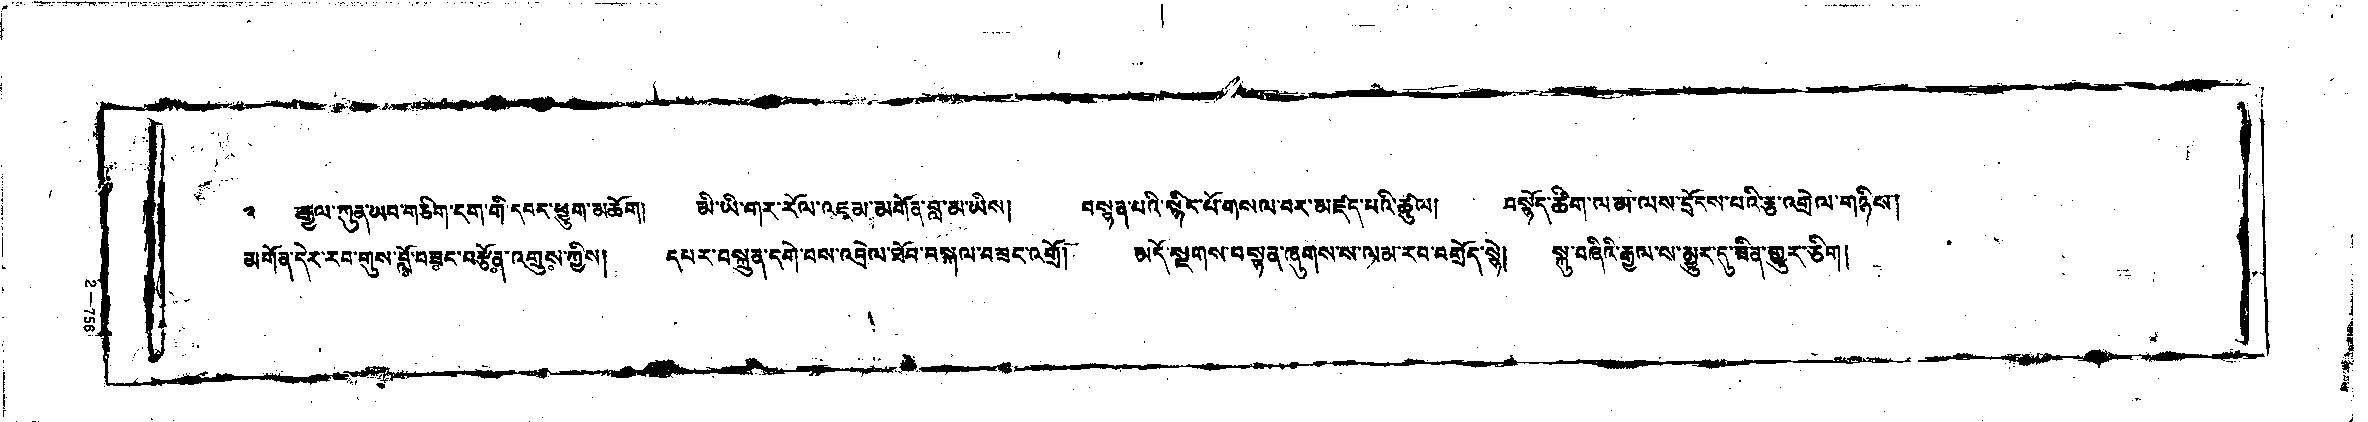རྒྱལ་ཀུན་ཡབ་གཅིག་ངག་གི་དབང་ཕྱུག་མཆོག། མི་ཡི་གར་རོལ་འཇམ་མགོན་བླ་མ་ཡིས། བསྟན་པའི་སྙིང་པོ་གསལ་བར་མཛད་པའི་ཚུལ། བསྟོད་ཚིག་ལམ་ལས་དྲོངས་བའི་རྩ་འགྲེལ་གཉིས།
མགོན་དེར་རབ་གུས་བློ་བཟང་བརྩོན་འགྲུས་ཀྱིས། དཔར་བསྐྲུན་དགེ་བས་འབྲེལ་ཐོབ་བསྐལ་བཟང་འགྲོ། མདོ་སྔགས་བསྟན་ཞུགས་ས་ལམ་རབ་བགྲོད་སྟེ། སྐུ་བཞིའི་རྒྱལ་ས་མྱུར་དུ་ཟིན་གྱུར་ཅིག །